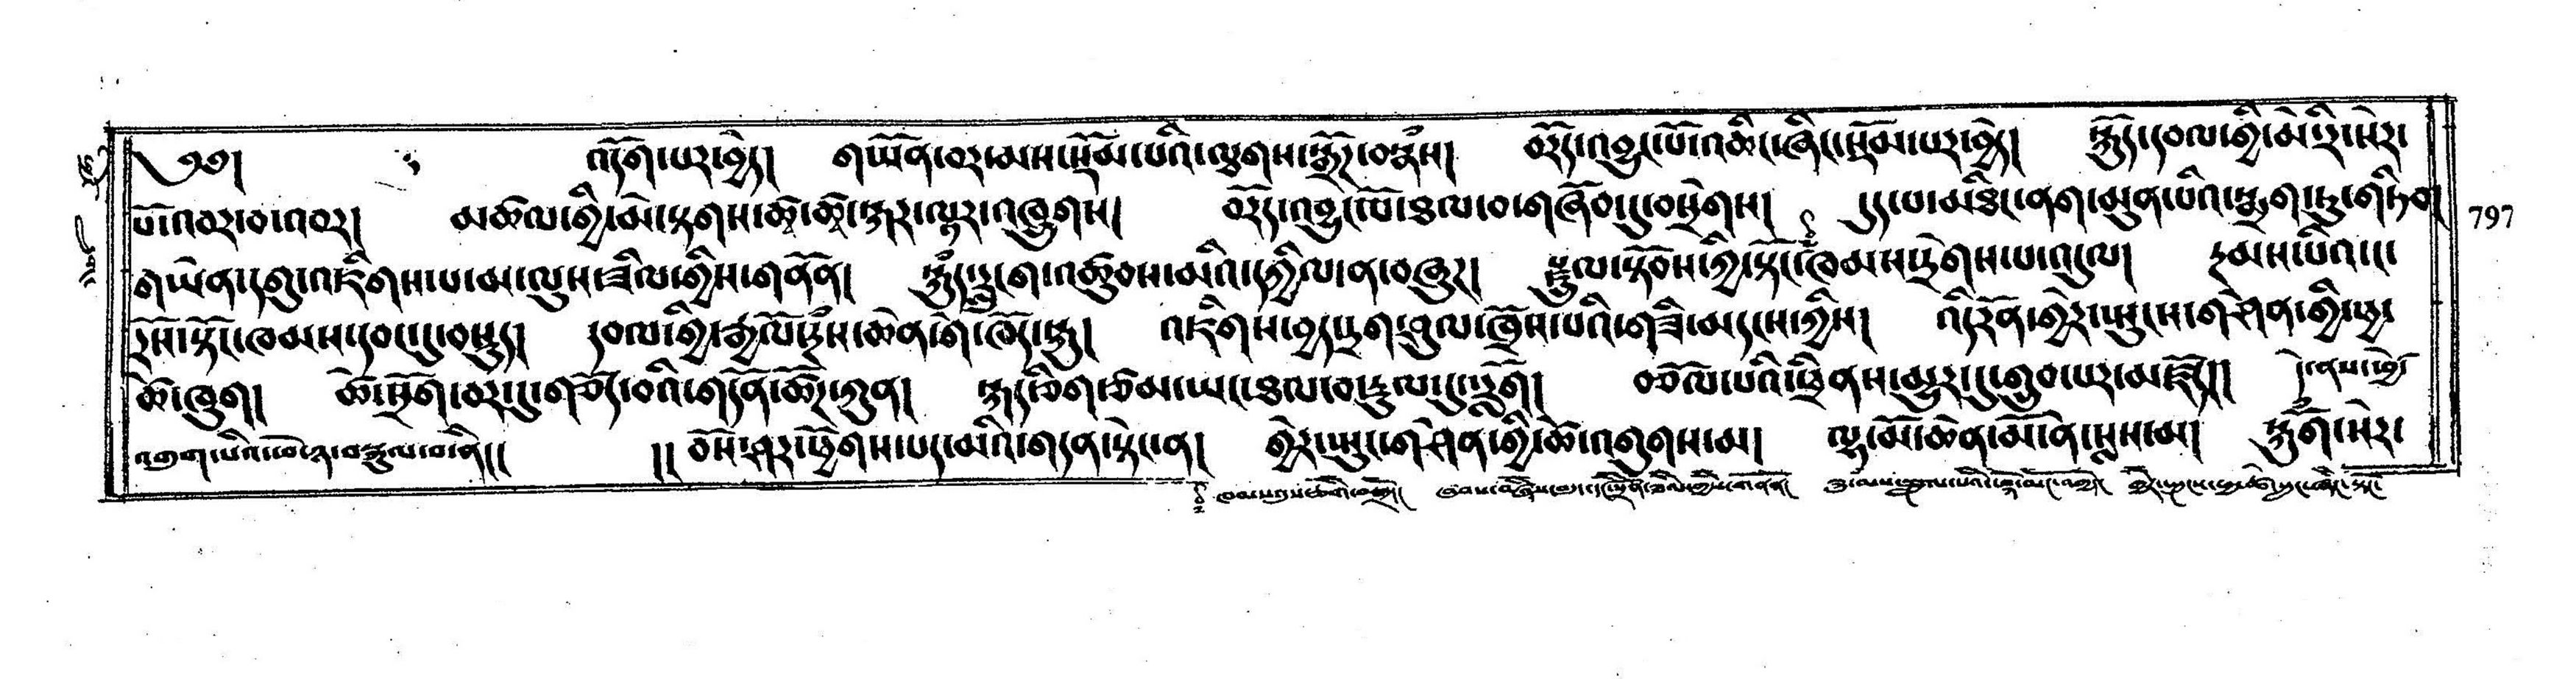འདོག་པར་བྱེད། གཡོན་བར་མས་སྡོམ་པའི་ལྕགས་སྒྲོགས་བསྣམས། བར་ཆོད་འབྱུང་པོ་འཆིང་ཞིང་སྡོམ་པར་བྱེད། སྐུ་སྟོད་དབལ་གྱི་མེ་རི་སེར་
པོ་འབར། མཚལ་གྱི་མེ་སྟགས་ཚྭ་ཚྭ་སྐར་ལྟར་འཁྲུགས། བར་ཆོད་འབྱུང་པོ་ཐལ་བ་གཞོབ་དུ་བསྲེགས། དུད་པ་མཐིང་ནག་མུན་པའི་སྨྲག་ཏུ་གཏིབ། 
གཡེན་དགུ་འཇིགས་པ་མ་ལུས་ཟིལ་གྱིས་གནོན། སྐུ་སྟོད་རླུང་ནག་འཚུབས་མའི་དཀྱིལ་ན་བཞུགས། རྫུ་འཕྲུལ་སྟོབས་ཀྱིས་སྟོང་ཁམས་དུས་གཅིག་བགྲོད། ཞབས་བཞིས་བདུད་དང་སྲིན་པོ་ཟིལ་གྱིས་གནོན། སྐུ་ལས་སྤྲུལ་པའི་ཕོ་ཉ་མང་པོ་འགྱེད། གྱེར་སྤུངས་ཕྱ་ཚེ་བསྲུང་ཞིང་སྟོང་ཁམས་དྲེགས་པ་འདུལ། རྔམས་པའི་ང་
རོས་སྟོང་ཁམས་དབང་དུ་བསྡུད། དབལ་གྱི་རྒྱལ་པོ་རྔམས་ཆེན་གེ་ཁོད་སྐུ། འཇིགས་བྱེད་དྲག་ཤུལ་ཁྲོས་པའི་གཟི་མདངས་ཀྱིས། འདིར་སྤྱོན་གྱེར་སྤུངས་གཤེན་གྱི་ཕྱ་
ཚེ་ཁུག ཚེ་སྲོག་བར་དུ་གཅོད་པའི་གདོན་ཚོགས་ཀུན། སྐད་ཅིག་ཙམ་ཡང་ཐལ་བ་རྡུལ་དུ་རློག བཅོལ་པའི་ཕྲིན་ལས་མྱུར་དུ་གྲུབ་པར་མཛོད། དེ་ནས་ཕྱ་ཚེ་
འགུག་པའི་ཕོ་ཉ་བསྐུལ་བ་ནི།། །།བསོ་ཤར་ཕྱོགས་པད་མའི་གདན་སྟེང་ན། གྱེར་སྤུང་གཤེན་གྱི་ཚེ་འགུགས་མ། ལྷ་མོ་ཆེན་མོ་ནེ་སླས་མ། སྐུ་མདོག་སེར་